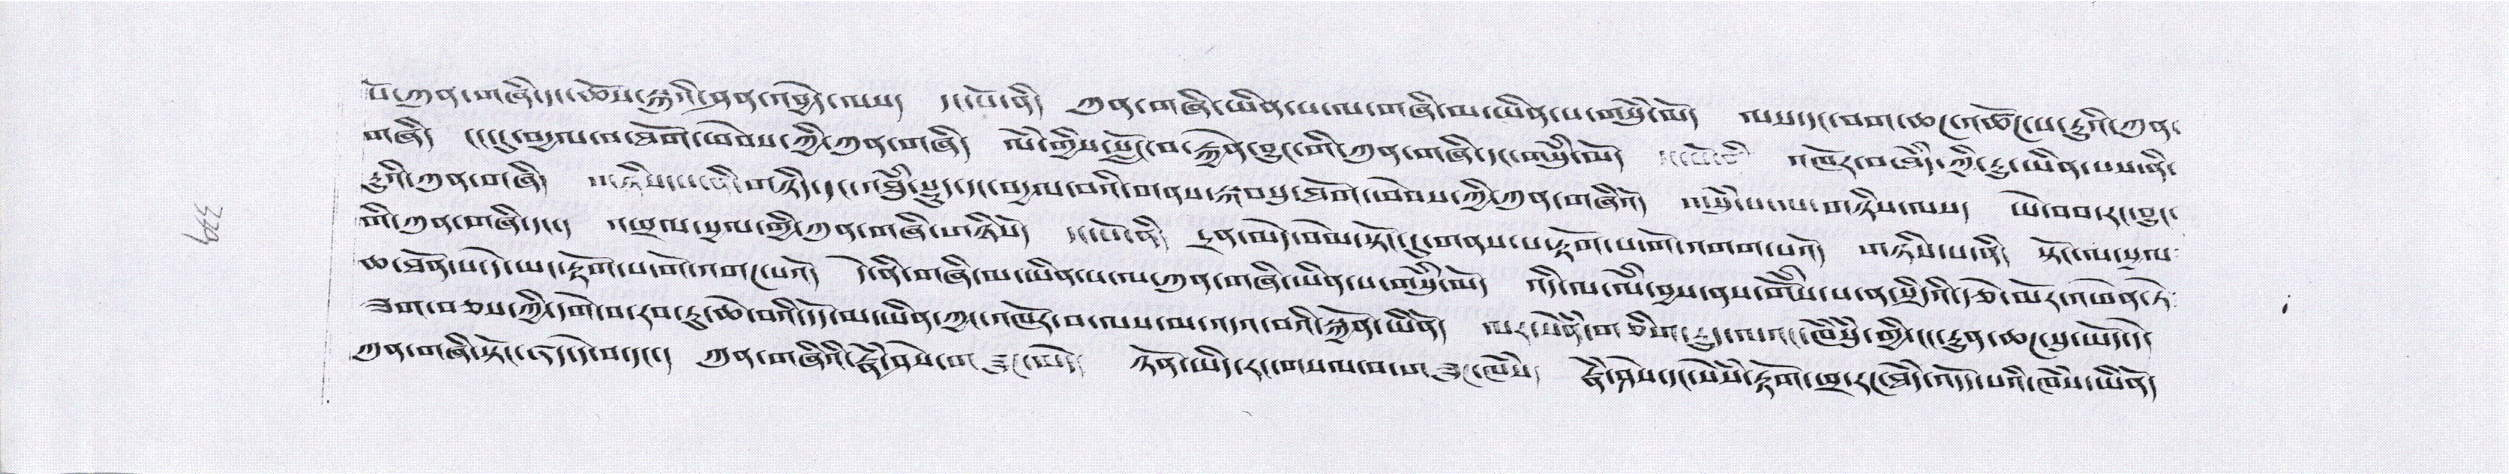པོ་ཀུན་གཞི་དང་ཆོས་སྐུའི་ཤན་འབྱེད་ལས། དང་པོ་ནི། ཀུན་གཞི་ཡིན་པ་ལ་གཞི་མ་ཡིན་པ་གསུམ་མོ། ལས་དང་བག་ཆགས་འཚོགས་པ་རྒྱུའི་ཀུན་
གཞི། ངང་དུ་བརྒྱལ་བ་ཐོག་ཕེབས་ཀྱི་ཀུན་གཞི། ལམ་གྱིས་སློང་བ་རྐྱེན་བྱུང་གི་ཀུན་གཞི་དང་གསུམ་མོ། དང་པོ་ནི། འཁོར་བ་ཐམས་ཅད་ཀྱི་རྒྱུ་ཡིན་པས་ནི་
རྒྱུའི་ཀུན་གཞི། གཉིས་པ་ནི་གཉིད་དང་འཐུམ་སྡུད་དང་བརྒྱལ་བའི་གནས་སྐབས་སུ་ཐོག་ཕེབས་ཀྱི་ཀུན་གཞིའོ། གསུམ་པ་ལ་གཉིས་ལས། ཡེ་བབ་རང་བྱུང་
གི་ཀུན་གཞི་དང། འཕྲལ་གསལ་གྱི་ཀུན་གཞི་གཉིས་སོ། དང་པོ་ནི། དྲན་མེད་བེམ་སྟོང་དུ་གནས་པ་རྟོག་པ་གོ་འགག་པའོ། གཉིས་པ་ནི། སྟོང་ལ་གསལ་
ཆ་ཐོན་པ་དེ་ཡང་རྟོག་པ་གོ་འགགས་པའོ། དེ་ནི་གཞི་མ་ཡིན་པ་ལ་ཀུན་གཞི་ཡིན་པ་གསུམ་མོ། འདི་ལ་ལམ་བྱས་ནས་གོམས་པ་ན་སྲིད་པའི་རྩེ་མོར་འཕེན་ཏེ་
ཟག་བཅས་ཀྱི་དགེ་བ་རབ་ཏུ་ཆེ་བའི་དོད་མ་ཡིན་ཀྱང་འཁོར་བ་ལས་མ་འདའ་བའི་སྐྱོན་ཡིན་ནོ། ལར་སེམས་གཅིག་རྒྱུད་ལའང་ཁམས་གསུམ་གྱི་ངང་རྒྱུན་ཆགས་སུ་ཡོད་དེ། 
ཀུན་གཞི་སྟོང་ཧད་དེ་བ་དང། ཀུན་གཞིའི་རྣམ་ཤེས་གཟུགས་མེད། ཉོན་ཡིད་རང་གསལ་བ་གཟུགས་ཁམས། རྣམ་ཤེས་དང་སེམས་རྟོག་ཕྲ་རགས་ཐམས་ཅད་འདོད་པའི་ཁམས་ཡིན་ནོ།